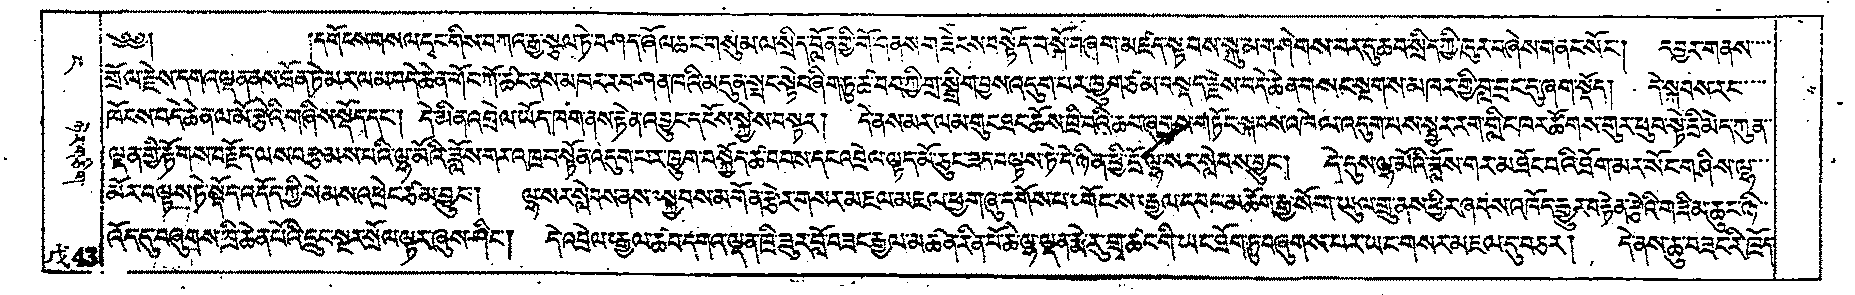༄༅། །དགོངས་གསལ་དྭང་གིས་བཀའ་རྒྱ་སྩལ་ཏེ་བཤད་ཞོལ་ཆང་གསུམ་ལ་སྲིད་བློན་གྱི་གོ་གནས་གཟེངས་བསྟོད་བསྐོ་གཞག་མཛད་སྟབས་སྐུ་མ་གཤེགས་བར་དུ་ཆབ་སྲིད་ཀྱི་ཁུར་བཞེས་གནང་སོང་། དབྱར་གནས་
གྲོལ་རྗེས་དགའ་ལྡན་ནས་ཐོན་ཏེ་མར་ལམ་བདེ་ཆེན་གོང་ཀོ་ཚང་ནས་མཁར་རབ་ཤན་ཁའི་མདུན་སྤང་སྟེང་ཞིག་ཏུ་ཚ་བབ་ཀྱི་གྲ་སྒྲིག་བྱས་འདུག་པར་ཁྱུག་ཙམ་བསྡད་རྗེས་བདེ་ཆེན་གསང་སྔགས་མཁར་གྱི་བླ་བྲང་དུ་ཞག་སྡོད། དེ་སྐབས་རང་
ཁོངས་བདེ་ཆེན་ལ་མོ་རྩེའི་གཞིས་སྡོད་དང་། དེ་མིན་འབྲེལ་ཡོད་ཁག་ནས་རྟེན་འབྱུང་དངོས་སྐྱེས་བསྟར། དེ་ནས་མར་ལམ་གུང་ཐང་ཆོས་ཁྲི་བའི་ཆབ་ཞུགས་གཏོང་སྐབས་འཁེལ་འདུག་པས་སྦྱར་རག་གླིང་ཁར་ཚོགས་གུར་ཕུབ་སྟེ་དྲི་མེད་ཀུན་
ལྡན་གྱི་རྟོགས་བརྗོད་ལས་བརྩམས་པའི་ལྷ་མོའི་ཟློས་གར་འཁྲབ་སྟོན་འདུག་པར་ཁྱུག་བསྐྱོད་ཚ་བབས་དང་འབྲེལ་ལྟད་མོ་ཅུང་ཟད་བལྟས་ཏེ་དེ་ཉིན་ཕྱི་དྲོ་ལྷ་སར་སླེབས་བྱུང་། དེ་དུས་ལྷ་མོའི་ཟློས་གར་མཐོང་བའི་ཐོག་མར་སོང་གཤིས་ལྷ་
མོར་བལྟས་ཏེ་སྡོད་འདོད་ཀྱི་སེམས་འཕྲེང་ཙམ་བྱུང་། ལྷ་སར་སླེབས་ནས ༧སྐྱབས་མགོན་རྩེར་གསར་མཇལ་མཇལ་ཕྱག་ཞུ་དགོས་པ ༧གོང་ས ༧རྒྱལ་དབང་མཆོག་རྒྱ་སོག་ཡུལ་གྲུ་ནས་ཕྱིར་ཞབས་འཁོད་རྒྱུར་བརྟེན་རྩེའི་གཟིམ་ཆུང་ཉི་
འོད་དུ་བཞུགས་ཁྲི་ཆེན་པོའི་དྲུང་སྔར་སྲོལ་ལྟར་ཞུས་ཤིང་། དེ་འབྲེལ ༧རྒྱལ་ཚབ་དགའ་ལྡན་ཁྲི་ཟུར་བློ་བཟང་རྒྱལ་མཚན་རིན་པོ་ཆེ་ལྷ་ལྡན་རྨེ་རུ་གྲྭ་ཚང་གི་ཡང་ཐོག་ཏུ་བཞུགས་པར་ཡང་གསར་མཇལ་དུ་བཅར། དེ་ནས་ཆུ་བཟང་རི་ཁྲོད་